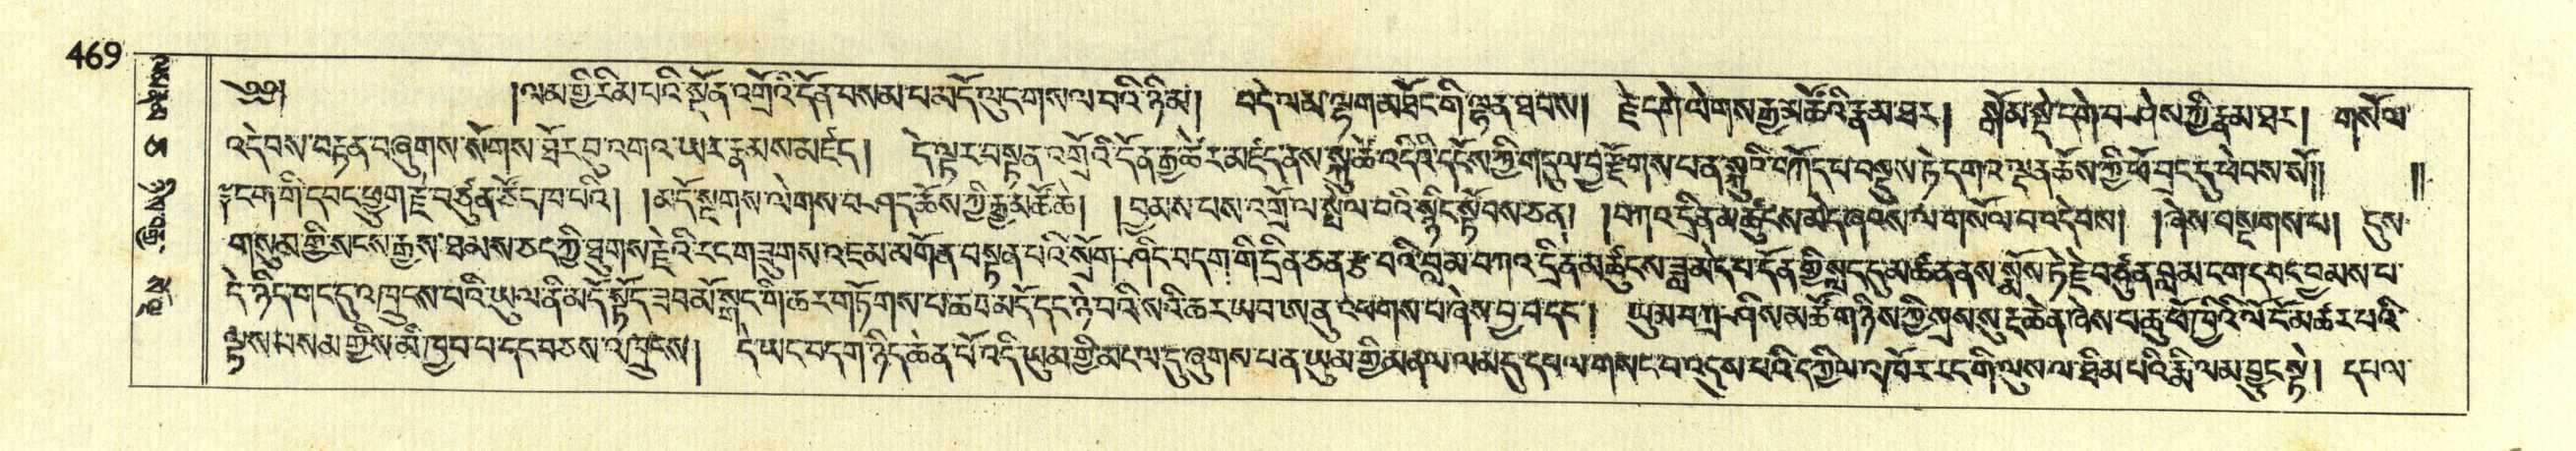༄༅། །ལམ་གྱི་རིམ་པའི་སྔོན་འགྲོའི་དོན་བསམ་པ་མདོ་ལུང་གསལ་བའི་ཉི་མ། བདེ་ལམ་ལྷག་མཐོང་གི་ལྷན་ཐབས། རྗེ་དགེ་ལེགས་རྒྱ་མཚོའི་རྣམ་ཐར། སྒོམ་སྡེ་དགེ་བཤེས་ཀྱི་རྣམ་ཐར། གསོལ་
འདེབས་བརྟན་བཞུགས་སོགས་ཐོར་བུ་འགའ་ཡར་རྣམས་མཛད། དེ་ལྟར་བསྟན་འགྲོའི་དོན་རྒྱ་ཚེར་མཛད་ནས་སྐུ་ཚེ་འདིའི་དངོས་ཀྱི་གདུལ་བྱ་རྫོགས་པ་ན་སྐུའི་བཀོད་པ་བསྡུས་ཏེ་དགའ་ལྡན་ཆོས་ཀྱི་ཕོ་བྲང་དུ་ཕེབས་སོ།། །།
༈ ངག་གི་དབང་ཕྱུག་རྗེ་བཙུན་ཙོང་ཁ་པའི། །མདོ་སྔགས་ལེགས་བཤད་ཆོས་ཀྱི་རྒྱ་མཚོ་ཆེ། །བྱམས་པས་འགྲོ་ལ་སྤེལ་བའི་སྙིང་སྟོབས་ཅན། །བཀའ་དྲིན་མཚུངས་མེད་ཞབས་ལ་གསོལ་བ་འདེབས། །ཞེས་བསྔགས་པ། དུས་
གསུམ་གྱི་སངས་རྒྱས་ཐམས་ཅད་ཀྱི་ཐུགས་རྗེའི་རང་གཟུགས་འཇམ་མགོན་བསྟན་པའི་སྲོག་ཤིང་བདག་གི་དྲིན་ཅན་རྩ་བའི་བླ་མ་བཀའ་དྲིན་མཚུངས་ཟླ་མེད་པ་དོན་གྱི་སླད་དུ་མཚན་ནས་སྨོས་ཏེ་རྗེ་བཙུན་བླ་མ་ངག་དབང་བྱམས་པ་
དེ་ཉིད་གང་དུ་འཁྲུངས་པའི་ཡུལ་ནི་མདོ་སྟོད་ཟབ་མོ་སྒང་གི་ཆར་གཏོགས་པ་ཆབ་མདོ་དང་ཉེ་བའི་སའི་ཆར་ཡབ་ཨ་ནུ་འཕགས་པ་ཞེས་བྱ་བ་དང་། ཡུམ་བཀྲ་ཤིས་མཚོ་གཉིས་ཀྱི་སྲས་སུ་རྔ་ཆེན་ཞེས་པ་ཆུ་ཕོ་ཁྱིའི་ལོ་ངོ་མཚར་པའི་
ལྟས་བསམ་གྱིས་མི་ཁྱབ་པ་དང་བཅས་འཁྲུངས། དེ་ཡང་བདག་ཉིད་ཆེན་པོ་འདི་ཡུམ་གྱི་མངལ་དུ་ཞུགས་པ་ན་ཡུམ་གྱི་མནལ་ལམ་དུ་དཔལ་གསང་བ་འདུས་པའི་དཀྱིལ་འཁོར་རང་གི་ལུས་ལ་ཐིམ་པའི་རྨི་ལམ་བྱུང་སྟེ། དཔལ་